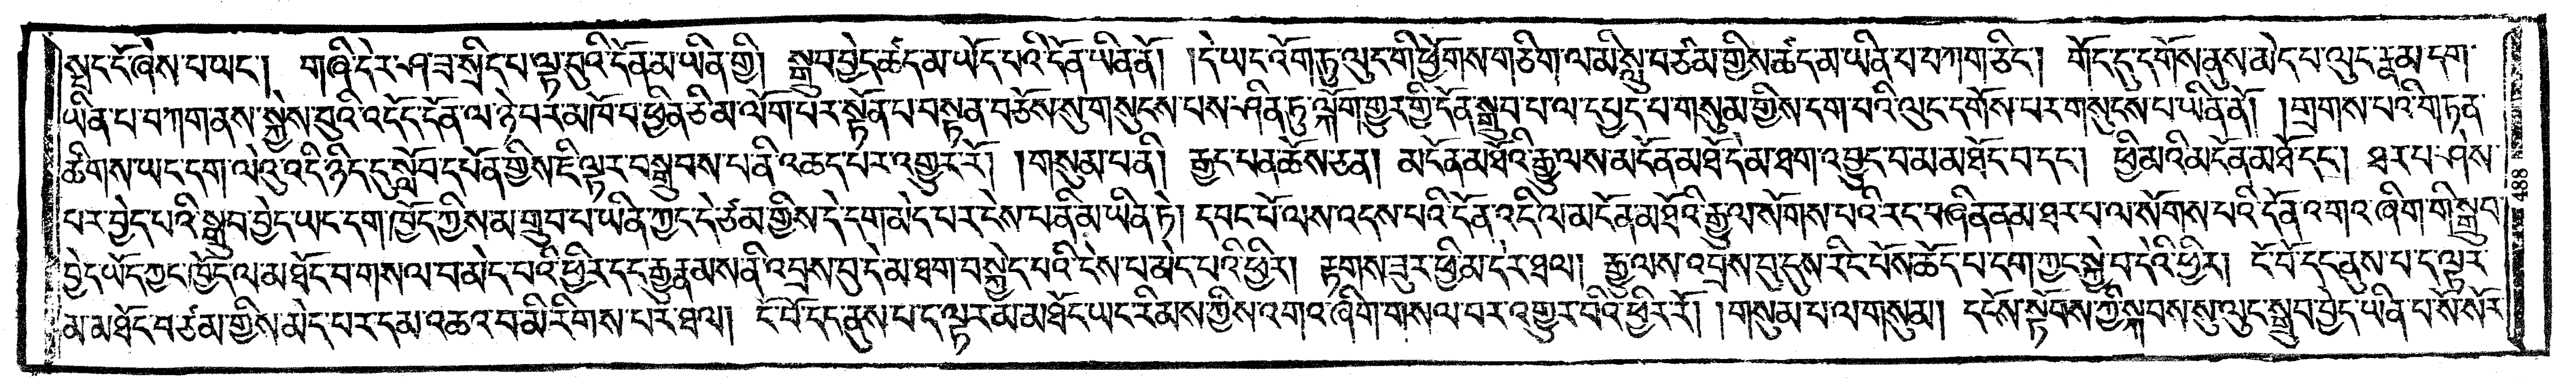སྤང་ངོ་ཞེས་པ་ཡང་། གཞི་དེར་ཤ་ཟ་སྲིད་པ་ལྟ་བུའི་དོན་མ་ཡིན་གྱི། སྒྲུབ་བྱེད་ཚད་མ་ཡོད་པའི་དོན་ཡིན་ནོ། །དེ་ཡང་འོག་ཏུ་ལུང་གི་ཕྱོགས་གཅིག་ལ་མི་སླུ་བ་ཙམ་གྱིས་ཚད་མ་ཡིན་པ་བཀག་ཅིང་། གོང་དུ་དགོས་ནུས་མེད་པ་ལུང་རྣམ་དག་
ཡིན་པ་བཀག་ནས་སྐྱེས་བུའི་འདོད་དོན་ལ་ཉེ་བར་མཁོ་བ་ཕྱིན་ཅི་མ་ལོག་པར་སྟོན་པ་བསྟན་བཅོས་སུ་གསུངས་པས་ཤིན་ཏུ་ལྐོག་གྱུར་གྱི་དོན་སྒྲུབ་པ་ལ་དཔྱད་པ་གསུམ་གྱིས་དག་པའི་ལུང་དགོས་པར་གསུངས་པ་ཡིན་ནོ། །གྲགས་པའི་གཏན་
ཚིགས་ཡང་དག་ལེའུ་འདི་ཉིད་དུ་སློབ་དཔོན་གྱིས་ཇི་ལྟར་བསྒྲུབས་པ་ནི་འཆད་པར་འགྱུར་རོ། །གསུམ་པ་ནི། རྒྱང་པན་ཆོས་ཅན། མངོན་མཐོའི་རྒྱུ་ལས་མངོན་མཐོ་དེ་མ་ཐག་འབྱུང་བ་མ་མཐོང་བ་དང་། ཕྱི་མའི་མངོན་མཐོ་དང་། ཐར་པ་ཤེས་
པར་བྱེད་པའི་སྒྲུབ་བྱེད་ཡང་དག་ཁྱོད་ཀྱིས་མ་གྲུབ་པ་ཡིན་ཀྱང་དེ་ཙམ་གྱིས་དེ་དག་མེད་པར་ངེས་པ་ནི་མ་ཡིན་ཏེ། དབང་པོ་ལས་འདས་པའི་དོན་འདི་ལ་མངོན་མཐོའི་རྒྱུ་ལ་སོགས་པའི་རང་བཞིན་ནམ་ཐར་པ་ལ་སོགས་པའི་དོན་འགའ་ཞིག་གི་སྒྲུབ་
བྱེད་ཡོད་ཀྱང་ཁྱོད་ལ་མཐོང་བ་གསལ་བ་མེད་པའི་ཕྱིར་དང་རྒྱུ་རྣམས་ནི་འབྲས་བུ་དེ་མ་ཐག་བསྐྱེད་པའི་ངེས་པ་མེད་པའི་ཕྱིར། རྟགས་ཟུར་ཕྱི་མ་དེར་ཐལ། རྒྱུ་ལས་འབྲས་བུ་དུས་རིང་པོས་ཆོད་པ་དག་ཀྱང་སྐྱེ་བ་དེའི་ཕྱིར། ངོ་བོ་དང་ནུས་པ་ད་ལྟར་
མ་མཐོང་བ་ཙམ་གྱིས་མེད་པར་དམ་འཆའ་བ་མི་རིགས་པར་ཐལ། ངོ་བོ་དང་ནུས་པ་ད་ལྟར་མ་མཐོང་ཡང་རིམས་ཀྱིས་འགའ་ཞིག་གསལ་བར་འགྱུར་བའི་ཕྱིར་རོ། །གསུམ་པ་ལ་གསུམ། དངོས་སྟོབས་ཀྱི་སྐབས་སུ་ལུང་སྒྲུབ་བྱེད་ཡིན་པ་སོ་སོར་